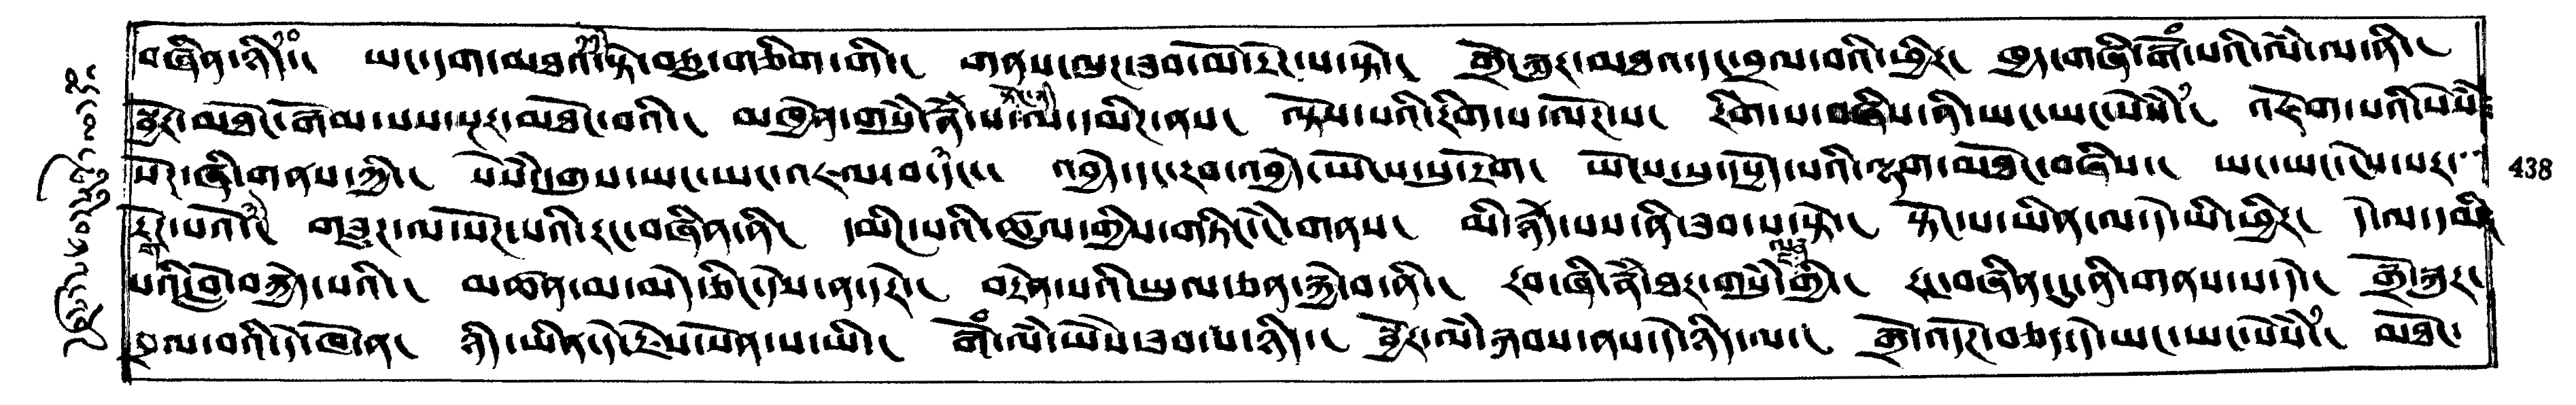བཞིན་ཉིད། །ཡང་དག་མཐའ་སྟེ་བཅུ་གཅིག་གི། །གནས་ལུགས་ཟབ་མོ་རྟོགས་པ་སྟེ། །སྒྲོ་སྐུར་མཐའ་དང་བྲལ་བའི་ཕྱིར། ཁྱད་གཞི་སྒོམ་པའི་ལམ་ལ་ནི། །
སྦྱོར་མཐོང་སྒོམ་པས་སྔར་མཐོང་བའི། །མཁྱེན་གསུམ་རྣམ་པ་སྟོང་ཉིད་ལ་དམིགས་ནས། །ལྟོས་པའི་རིགས་པ་ལ་སོགས་པ། །རིགས་པ་བཞིས་ནི་ཡང་ཡང་སེམས། །འཇོག་པའི་སེམས་
སོགས་ཞི་གནས་ཀྱི། །སེམས་དགུས་ཡང་ཡང་འཇལ་བ་དང་། །འབྱེད་དང་རབ་འབྱེད་ཡོངས་སུ་རྟོག །ཡོངས་སུ་དཔྱོད་པའི་ལྷག་མཐོང་བཞིས། །ཡང་ཡང་ངེས་པར་
རྟོགས་པའོ། །གཟུགས་ལ་སོགས་པའི་རང་བཞིན་ནི། །དམིགས་པའི་ཚུལ་གྱིས་གཏིང་ངམ་གནས། །མི་རྙེད་པས་ནི་ཟབ་པ་སྟེ། །སྟོང་པ་ཡིན་ལ་དེ་ཡི་ཕྱིར། །དེ་ལ་དམིགས་
པའི་བློ་བསྐྱེད་པའི། །མཚན་མ་མེད་ཅིང་དེས་ན་དེར། །བརྟེན་པའི་ཡུལ་ཅན་སྐྱེ་བ་ནི། །རབ་ཞི་རྣམ་ཐར་གསུམ་ལྡན་གྱི། །རང་བཞིན་དུ་ནི་གནས་པ་དེ། །སྒྲོ་སྐུར་
བྲལ་བའི་དེ་ཁོ་ན། །ཉིད་ཡིན་དེ་རྗེས་སོན་པ་ཡི། །སྒོམ་ལམ་ཡེ་ཤེས་ཟབ་པ་ཉིད། །སྦྱོར་ལམ་སྐབས་ནས་དེ་ཉིད་ལ། །སྒྲོ་འདོགས་བཅད་དེ་ཡང་ཡང་སེམས། །མཐོང་